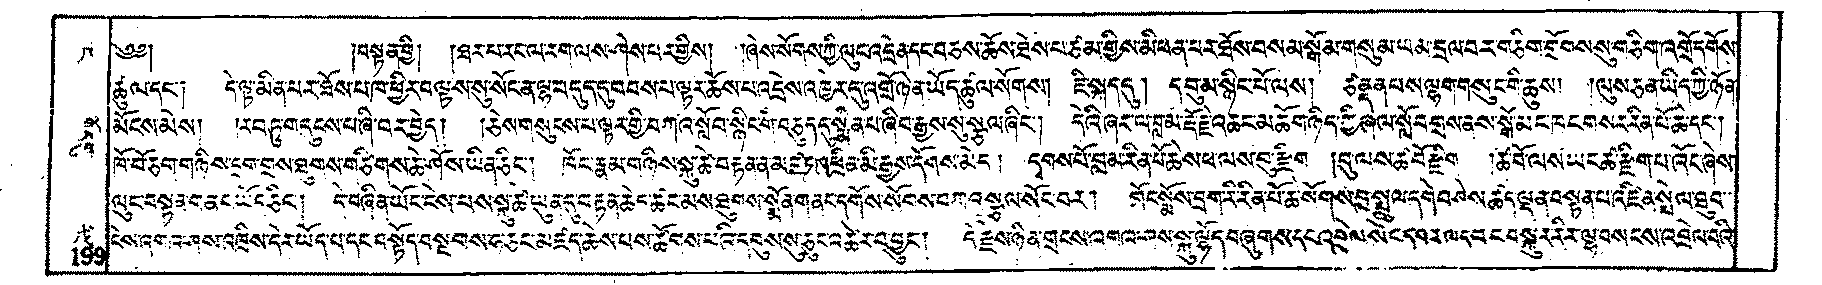༄༅། །བསྟན་གྱི། །ཐར་པ་རང་ལ་རག་ལས་ཤེས་པར་གྱིས། །ཞེས་སོགས་ཀྱི་ལུང་འདྲེན་དང་བཅས་ཆོས་ཐོས་པ་ཙམ་གྱིས་མི་ཕན་པར་ཐོས་བསམ་སྒོམ་གསུམ་ཡམ་བྲལ་བར་གཅིག་གྲོགས་སུ་གཅིག་བགྲོ་དགོས་
ཚུལ་དང་། དེ་ལྟ་མིན་པར་ཐོས་པ་ཁ་ཕྱིར་བལྟས་སུ་སོང་ན་ལྷ་བདུད་དུ་བབས་པ་ལྟར་ཆོས་པ་འདྲེས་འཁྱེར་དུ་འགྲོ་ཉེན་ཡོད་ཚུལ་སོགས། ཇི་སྐད་དུ། དབུ་མ་སྙིང་པོ་ལས། ཙནྡན་པས་ལྷག་གསུང་གི་ཆུས། །ལུས་ཅན་ཡིད་ཀྱི་ཉོན་
མོངས་མེས། །རབ་ཏུ་གདུངས་པ་ཞི་བར་བྱེད། །ཅེས་གསུངས་པ་ལྟར་གྱི་བཀའ་སློབ་སྙིང་གི་བཅུད་དུ་སྨིན་པ་ཞིབ་རྒྱས་སུ་སྩལ་ཞིང་། དེའི་ཞར་ལ་བླ་མ་རྡོ་རྗེ་འཆང་མཆོག་ཉིད་ཀྱི་ཞལ་སློབ་གྲས་ནས་སྒོ་མང་ཁང་གསར་རིན་པོ་ཆེ་དང་།
ཁོ་བོ་ཅག་གཉིས་དྲག་གྲས་ཐུགས་གཙིགས་ཆེ་ཤོས་ཡིན་ཅིང་། ཁོང་རྣམ་གཉིས་སྐུ་ཚེ་བརྟན་ན་མཛད་འཕྲིན་མི་རྒྱས་དོགས་མེད། དྭགས་པོ་བླ་མ་རིན་པོ་ཆེས་ཕ་ལས་བུ་རྫིག །བུ་ལས་ཚ་བོ་རྫིག །ཚ་བོ་ལས་ཡང་ཚ་རྫིག་པ་འོང་ཞེས་
ལུང་བསྟན་གནང་ཡོད་ཅིང་། དེ་བཞིན་ཡོང་ངེས་པས་སྐུ་ཚེ་ཡུན་དུ་བརྟན་ཆེད་ཚང་མས་ཐུགས་སྨོན་གནང་དགོས་སོགས་བཀའ་སྩལ་སོང་བར། གོང་སྨོས་བྲག་རི་རིན་པོ་ཆེ་སོགས་བླ་སྤྲུལ་དགེ་བཤེས་ཚད་ལྡན་བསྟན་པ་འཛིན་སྤེལ་ཐུབ་
ངེས་འགའ་ཤས་འཁྲིས་དེར་ཡོད་པ་དང་བསྟོད་བསྔགས་ཧ་ཅང་མཛད་ཆེས་པས་ཚོགས་པའི་དབུས་སུ་ཅུང་འཚེར་བ་བྱུང་། དེ་རྗེས་ཉིན་གྲངས་འགའ་ཤས་སྐུ་ལྷོད་བཞུགས་དང་འབྲེལ་སེང་དབར་ལ་དབང་བསྐུར་རིར་ལྷ་བསངས་འབྲེལ་བའི་